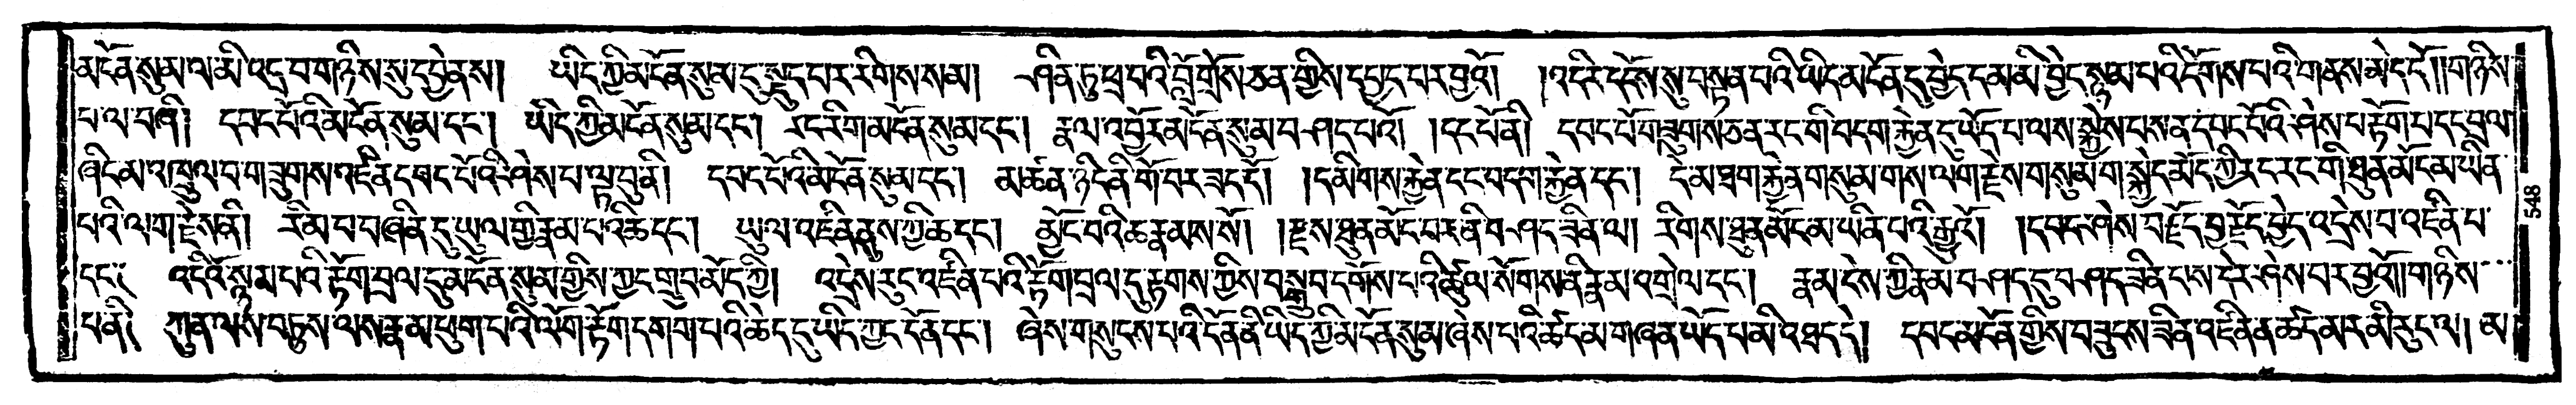མངོན་སུམ་ལ་མི་འདྲ་བ་གཉིས་སུ་དབྱེ་ནས། ཡིད་ཀྱི་མངོན་སུམ་དུ་སྡུད་པར་རིགས་སམ། ཤིན་ཏུ་ཕྲ་བའི་བློ་གྲོས་ཅན་གྱིས་དཔྱད་པར་བྱའོ། །འདིར་དངོས་སུ་བསྟན་པའི་ཡིད་མངོན་དུ་བྱེད་དམ་མི་བྱེད་སྙམ་པའི་དོགས་པའི་གནས་མེད་དོ། །གཉིས་
པ་ལ་བཞི། དབང་པོའི་མངོན་སུམ་དང་། ཡིད་ཀྱི་མངོན་སུམ་དང་། རང་རིག་མངོན་སུམ་དང་། རྣལ་འབྱོར་མངོན་སུམ་བཤད་པའོ། །དང་པོ་ནི། དབང་པོ་གཟུགས་ཅན་རང་གི་བདག་རྐྱེན་དུ་ཡོད་པ་ལས་སྐྱེས་པས་ན་དབང་པོའི་ཤེས་པ་རྟོག་པ་དང་བྲལ་
ཞིང་མ་འཁྲུལ་བ་གཟུགས་འཛིན་དབང་པོའི་ཤེས་པ་ལྟ་བུ་ནི། དབང་པོའི་མངོན་སུམ་དང་། མཚན་ཉིད་ནི་གོ་བར་ཟད་དོ། །དམིགས་རྐྱེན་དང་བདག་རྐྱེན་དང་། དེ་མ་ཐག་རྐྱེན་གསུམ་གས་ལག་རྗེས་གསུམ་ག་སྐྱེད་མོད་ཀྱི་རང་རང་གི་ཐུན་མོང་མ་ཡིན་
པའི་ལག་རྗེས་ནི། རིམ་པ་བཞིན་དུ་ཡུལ་གྱི་རྣམ་པའི་ཆ་དང་། ཡུལ་འཛིན་ནུས་ཀྱི་ཆ་དང་། མྱོང་བའི་ཆ་རྣམས་སོ། །རྫས་ཐུན་མོང་བར་ནི་བཤད་ཟིན་ལ། རིགས་ཐུན་མོང་མ་ཡིན་པའི་རྒྱུའོ། །དབང་ཤེས་བརྗོད་བྱ་རྗོད་བྱེད་འདྲེས་པ་འཛིན་པ་
དང༑ འདིའོ་སྙམ་པའི་རྟོག་བྲལ་དུ་མངོན་སུམ་གྱིས་ཀྱང་གྲུབ་མོད་ཀྱི། འདྲེས་རུང་འཛིན་པའི་རྟོག་བྲལ་དུ་རྟགས་ཀྱིས་བསྒྲུབ་དགོས་པའི་ཚུལ་སོགས་ནི་རྣམ་འགྲེལ་དང་། རྣམ་ངེས་ཀྱི་རྣམ་བཤད་དུ་བཤད་ཟིན་པས་དེར་ཤེས་པར་བྱའོ། །གཉིས་
པ་ནི༑ ཀུན་ལས་བཏུས་ལས་རྣམ་ཕུག་པའི་ལོག་རྟོག་དགག་པའི་ཆེད་དུ་ཡིད་ཀྱང་དོན་དང་། ཞེས་གསུངས་པའི་དོན་ནི་ཡིད་ཀྱི་མངོན་སུམ་ཞེས་པའི་ཚད་མ་གཞན་ཡོད་པ་མི་འཐད་དེ། དབང་མངོན་གྱིས་བཟུངས་ཟིན་འཛིན་ན་ཚད་མར་མི་རུང་ལ། མ་